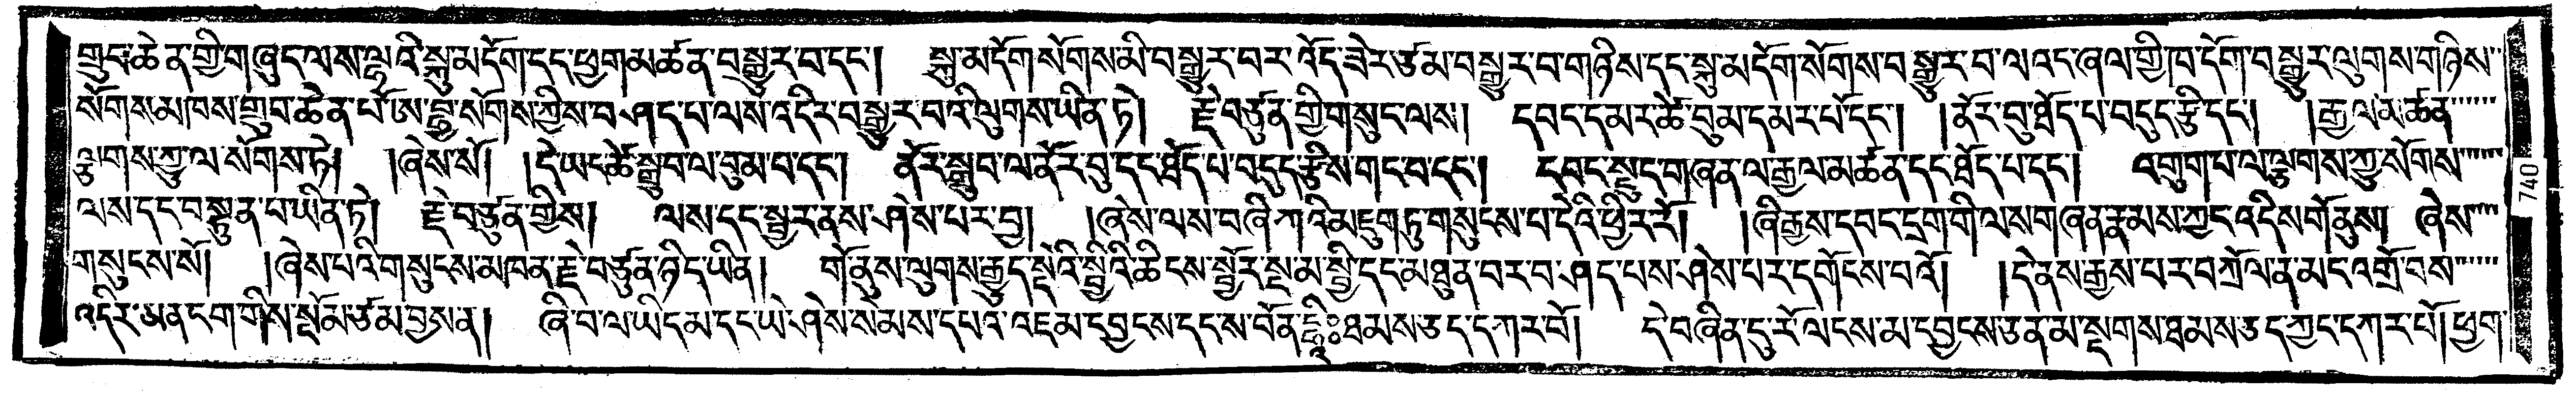གྲུབ་ཆེན་གྱི་གཞུང་ལས་ལྷའི་སྐུ་མདོག་དང་ཕྱག་མཚན་བསྒྱུར་བ་དང་། སྐུ་མདོག་སོགས་མི་བསྒྱུར་བར་འོད་ཟེར་ཙམ་བསྒྱུར་བ་གཉིས་དང་སྐུ་མདོག་སོགས་བསྒྱུར་བ་ལའང་ཞལ་གྱི་ཁ་དོག་བསྒྱུར་ལུགས་གཉིས་
སོགས་མཁས་གྲུབ་ཆེན་པོ་ཨ་བྷྱ་སོགས་ཀྱིས་བཤད་པ་ལས་འདིར་བསྒྱུར་བའི་ལུགས་ཡིན་ཏེ། རྗེ་བཙུན་གྱི་གསུང་ལས། དབང་དམར་ཚེ་བུམ་དམར་པོ་དང་། །ནོར་བུ་ཐོད་པ་བདུད་རྩི་དང་། །རྒྱལ་མཚན་
ལྕགས་ཀྱུ་ལ་སོགས་ཏེ། །ཞེས་སོ། །དེ་ཡང་ཚེ་སྒྲུབ་ལ་བུམ་པ་དང་། ནོར་སྒྲུབ་ལ་ནོར་བུ་དང་ཐོད་པ་བདུད་རྩིས་གང་བ་དང་། དབང་སྡུད་གཞན་ལ་རྒྱལ་མཚན་དང་ཐོད་པ་དང་། འགུག་པ་ལ་ལྕགས་ཀྱུ་སོགས་
ལས་དང་བསྟུན་པ་ཡིན་ཏེ། རྗེ་བཙུན་གྱིས། ལས་དང་སྦྱར་ནས་ཤེས་པར་བྱ། །ཞེས་ལས་བཞི་ཀའི་མཇུག་ཏུ་གསུངས་པ་དེའི་ཕྱིར་རོ། །ཞི་རྒྱས་དབང་དྲག་གི་ལས་གཞན་རྣམས་ཀྱང་འདིས་གོ་ནུས། ཞེས་
གསུངས་སོ། །ཞེས་པའི་གསུངས་མཁན་རྗེ་བཙུན་ཉིད་ཡིན། གོ་ནུས་ལུགས་རྒྱུད་སྡེའི་སྤྱིའི་ཆིངས་སྦྱོར་སྔ་མ་སྤྱི་དང་མཐུན་པར་བཤད་པས་ཤེས་པར་དགོངས་པའོ། །དེ་ནས་རྒྱས་པར་བཀྲོལ་ན་མང་འགྲོ་བས་
འདིར་མན་ངག་གིས་སྤོམ་ཙམ་བྱས་ན། ཞི་བ་ལ་ཡི་དམ་དང་ཡེ་ཤེས་སེམས་དཔའ་འཇམ་དབྱངས་དང་ས་བོན་དྷཱིཿཐམས་ཅད་དཀར་པོ། དེ་བཞིན་དུ་རོ་ལངས་མ་དབྱངས་ཅན་མ་སྔགས་ཐམས་ཅད་ཀྱང་དཀར་པོ། ཕྱག་